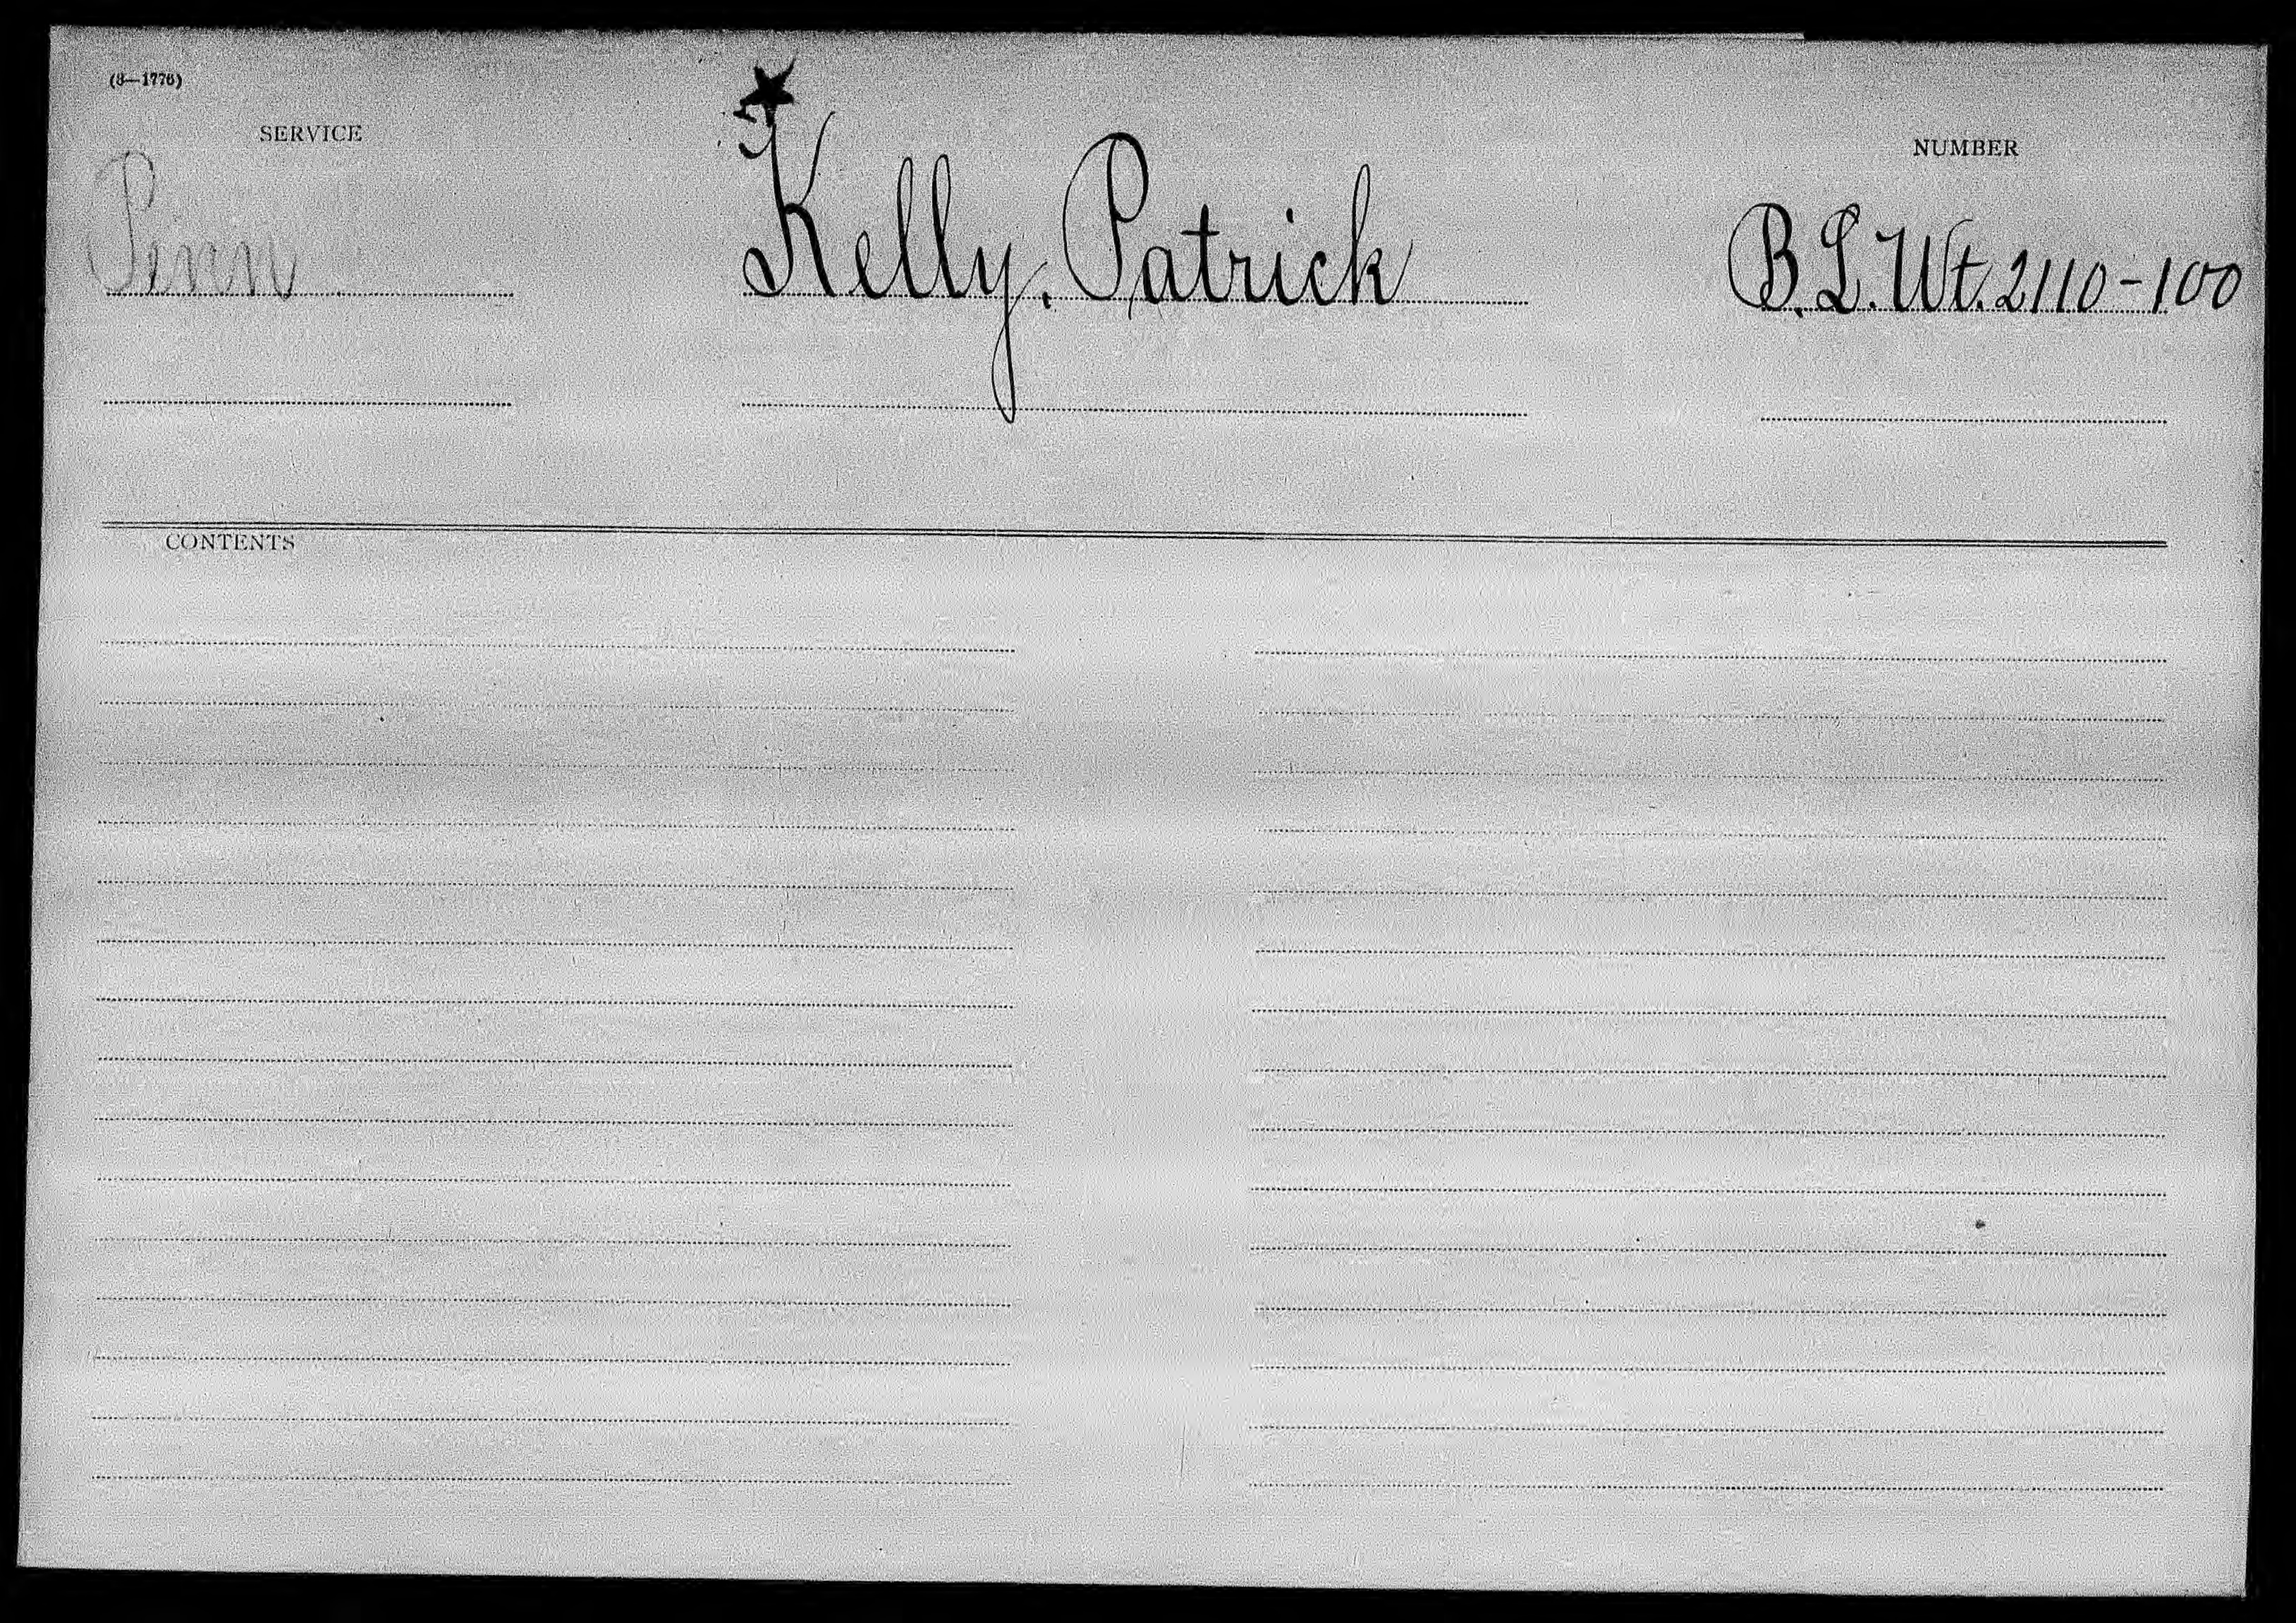Penn   Kelly, Patrick

B.L.Wt. 2110-100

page: 1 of 11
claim: bounty land warrant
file: B. L. Wt. 2110-100, for Patrick Kelly, Pennsylvania